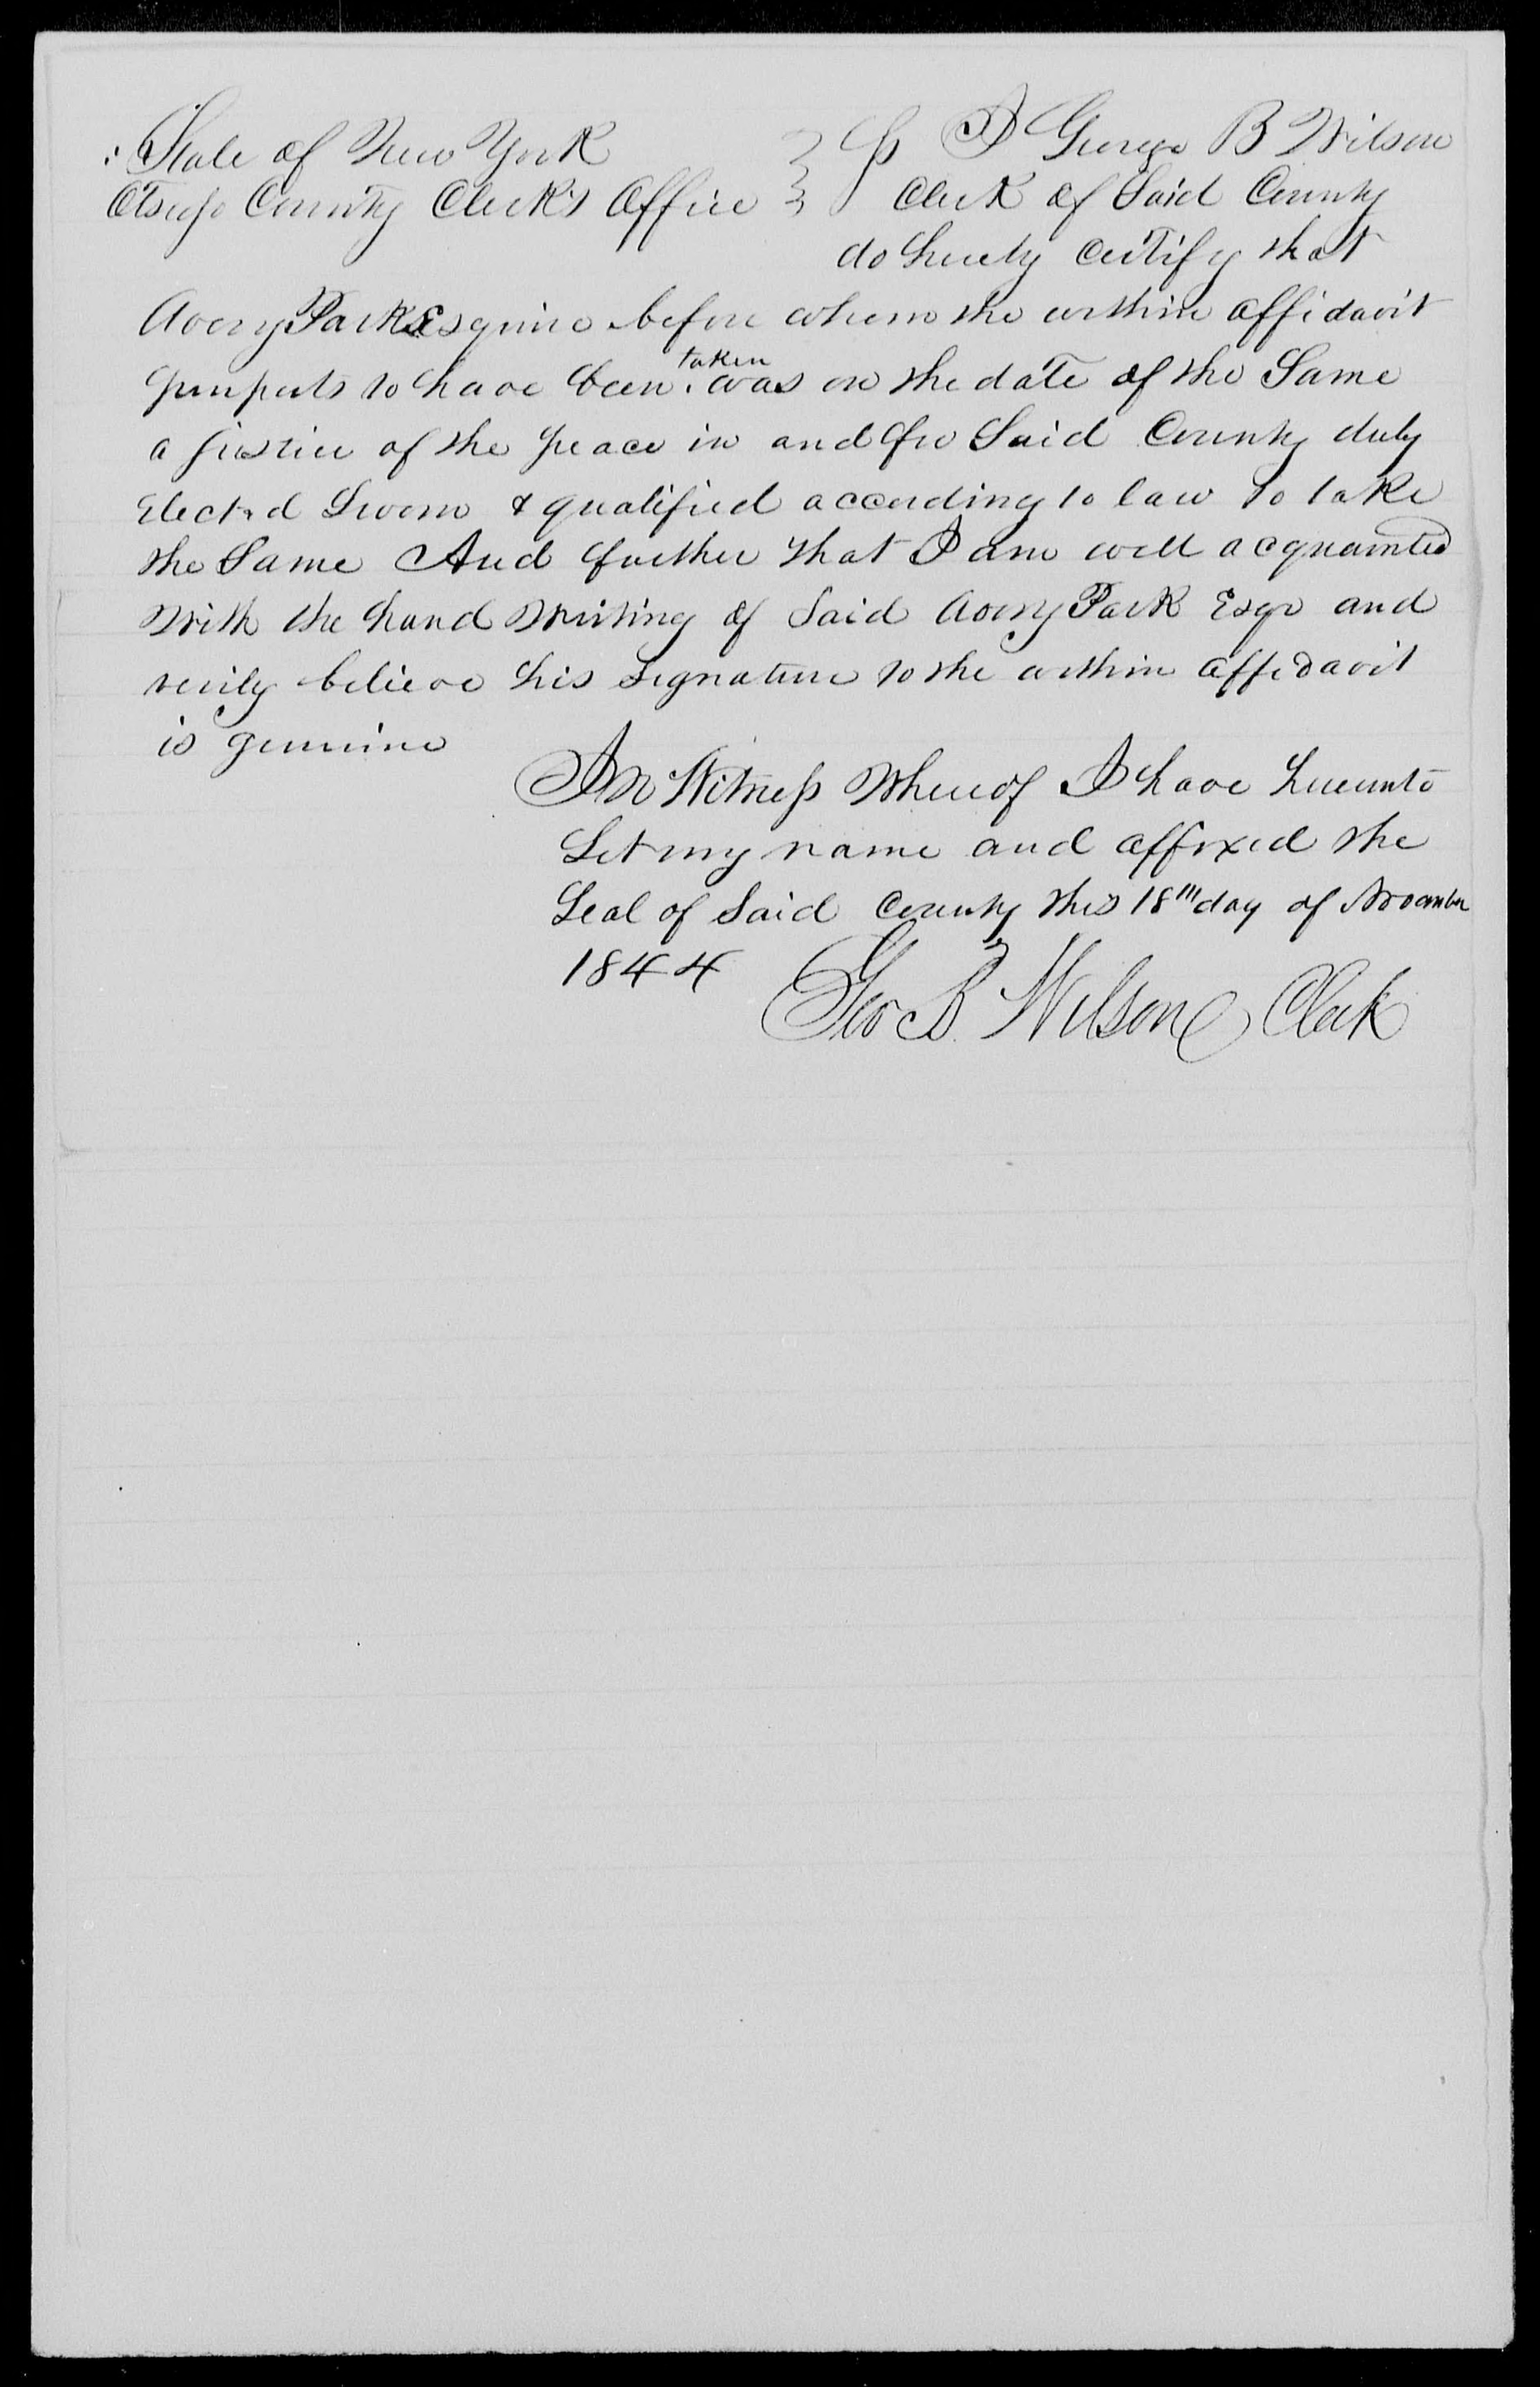State of New York 
Otsego County Clerk's Office}ss
I George B Wilson Clerk of said County do hereby certify that Avery Park Esquire before whom the written affidavit taken purports to have been ^taken was on the date of the same a Justice of the peace in and for said County duly elected sworn & qualified according to law to take the same And further that I am well acquainted with the hand writing of said Avery Park Esqr and verily believe his signature to the within affidavit is genuine 
In Witness Whereof I have hereunto set my name and affixed the Seal of said County this 18th day of November 1844 
Geo B. Wilson Clerk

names: Avery Park, George B Wilson, Geo B Wilson, Avery Park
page: 63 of 74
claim: widow's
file: W. 23424, John Allen, Mass. R. I.